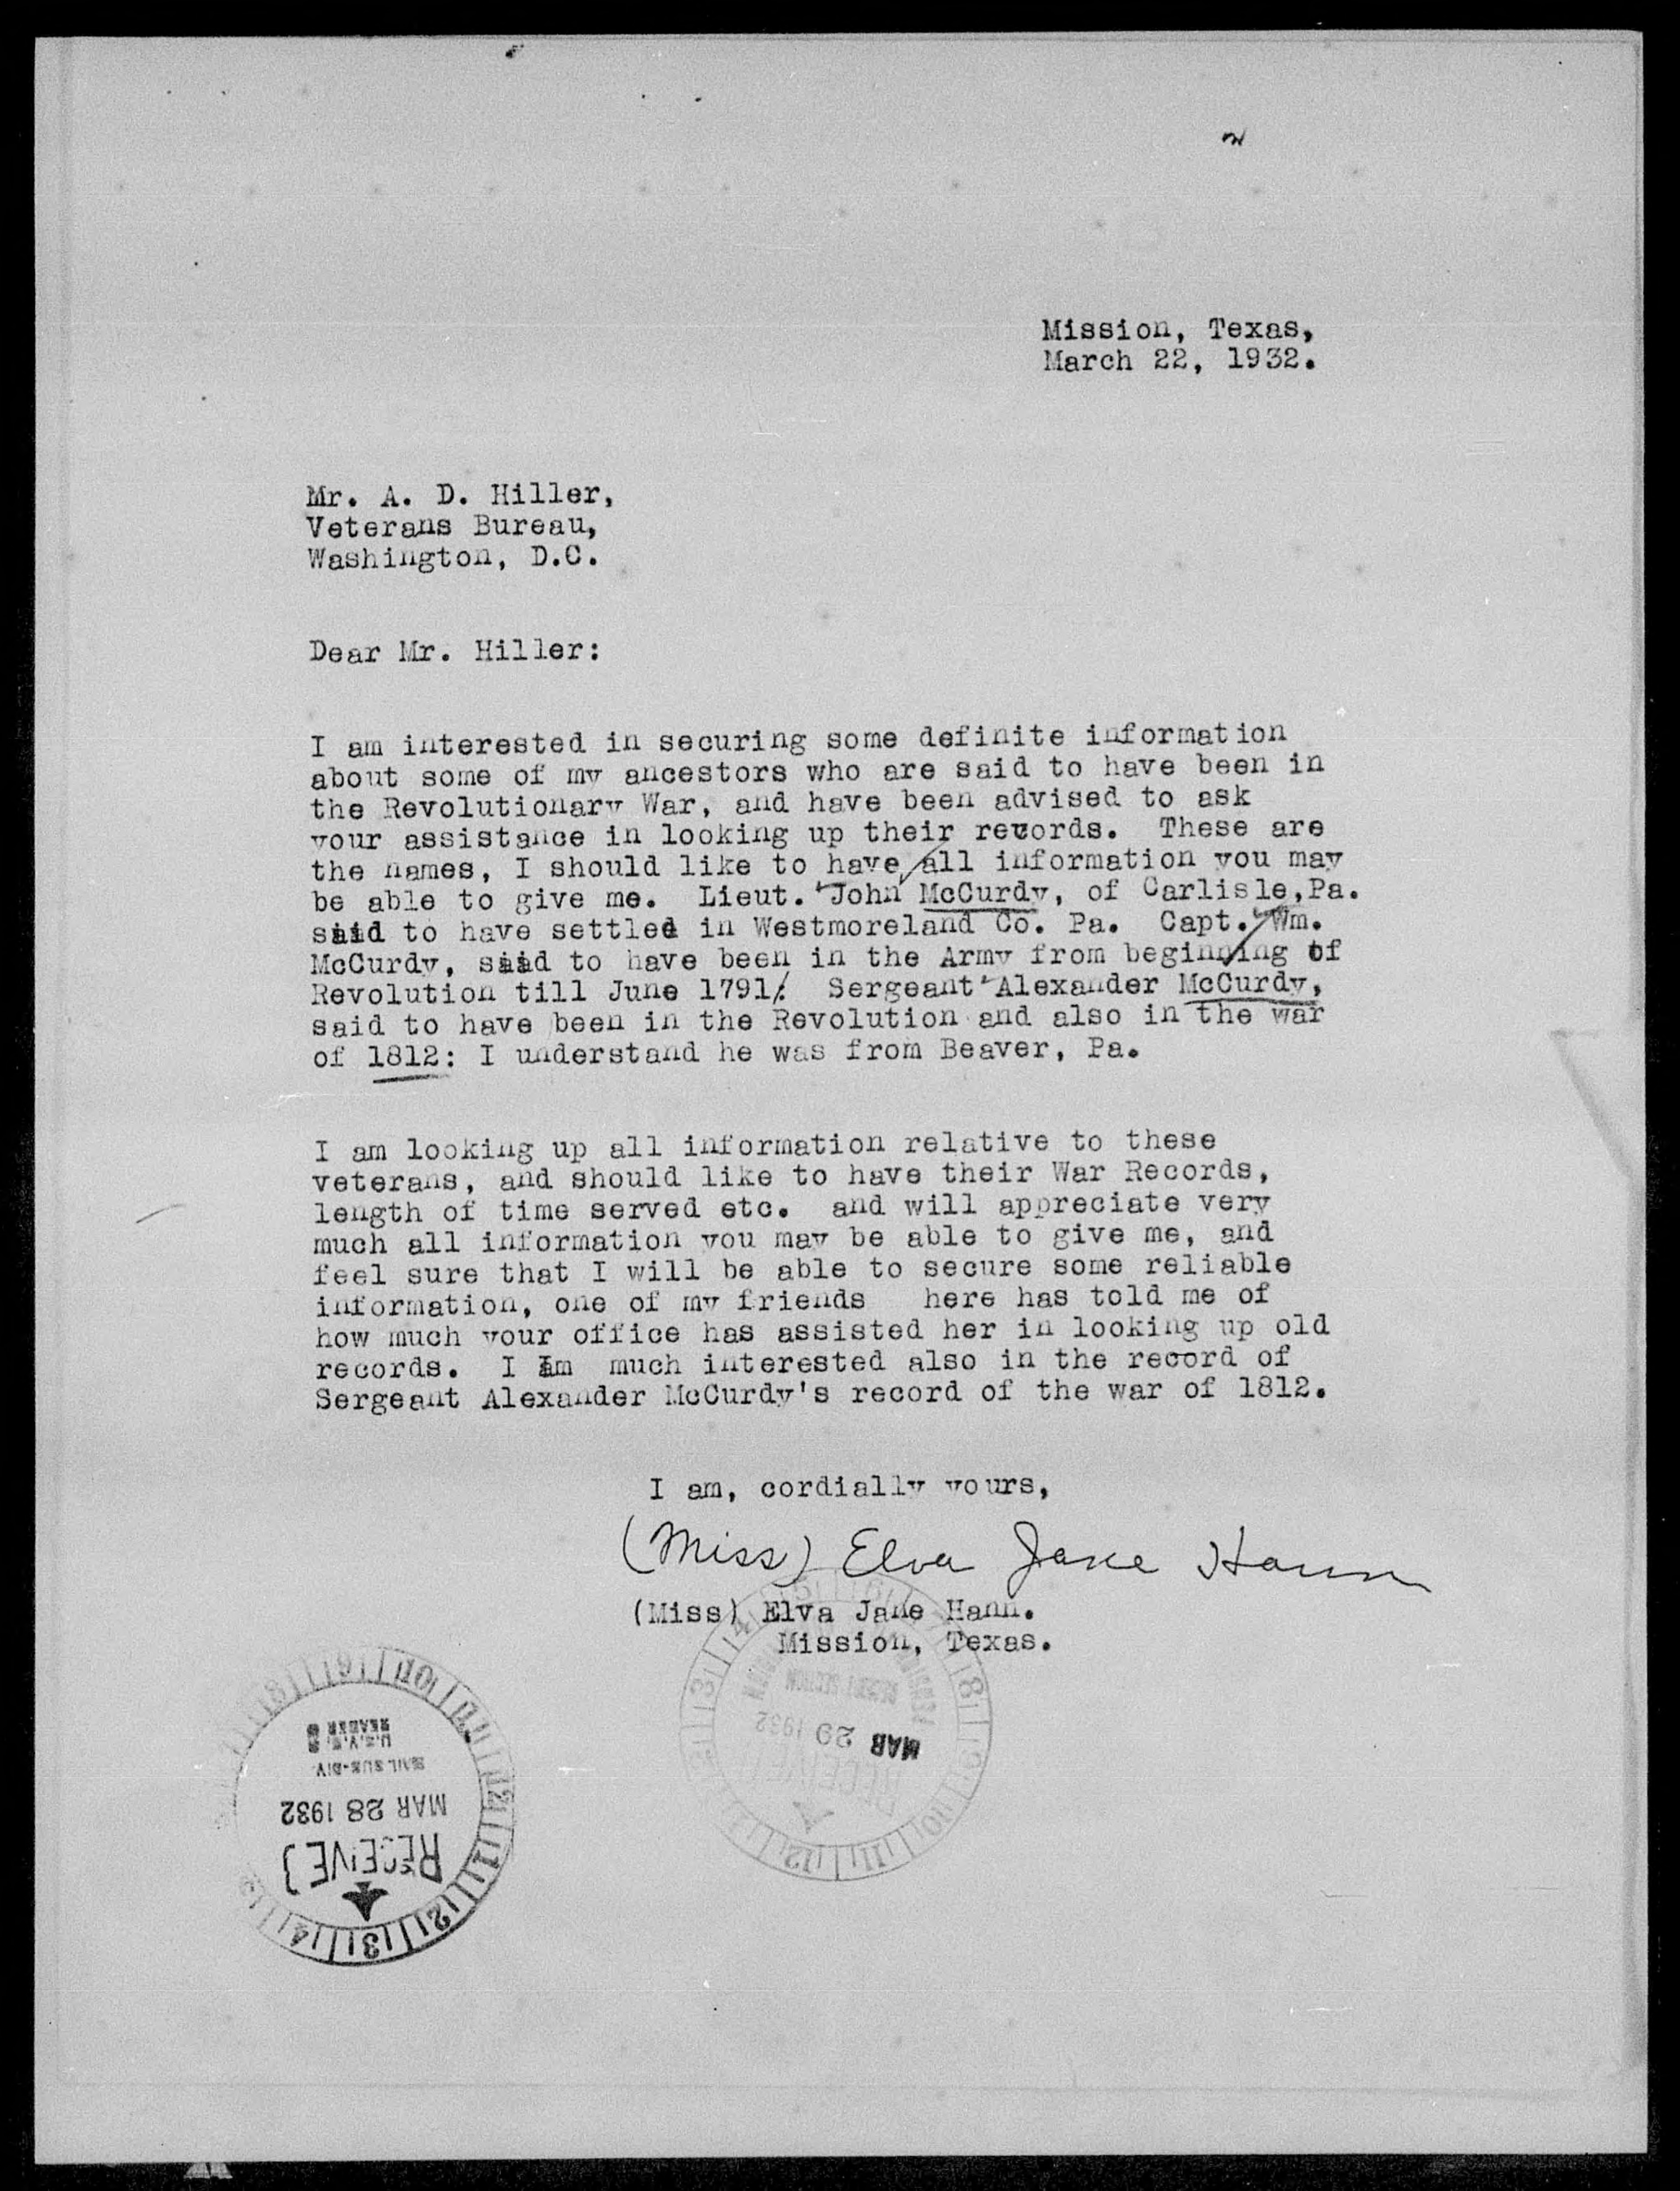Mission, Texas,
March 22, 1932.

Mr. A. D. Hiller,
Veterans Bureau,
Washington, D.C.

Dear Mr. Hiller:

I am interested in securing some definite information
about some of my ancestors who are said to have been in
the Revolutionary War, and have been advised to ask
your assistance in looking up their records. These are
the names, I should like to have all information you may
be able to give me. Lieut. John McCurdy, of Carlisle, Pa.
said to have settled in Westmoreland Co. Pa. Capt. Wm.
McCurdy, said to have been in the Army from beginning of
Revolution till June 1791. Sergeant Alexander McCurdy,
said to have been in the Revolution and also in the war
of 1812: I understand he was from Beaver, Pa.

I am looking up all information relative to these
veterans, and should like to have their War Records,
length of time served etc. and will appreciate very
much all information you may be able to give me, and
feel sure that I will be able to secure some reliable
information, one of my friends here has told me of
how much your office has assisted her in looking up old
records. I am much interested also in the record of
Sergeant Alexander McCurdy's record of the war of 1812.

I am, cordially yours,

(Miss) Elva Jane Hann
(Miss Elva Jane Hann.
Mission, Texas.

Received Mar 26, 1932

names: Elva Jane Hann; A D Hiller; Alexander Mc Curdy; Wm Mc Curdy; John Mc Curdy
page: 17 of 19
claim: survivor's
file: S. 31,855, for John Mc Curdy, Pennsylvania